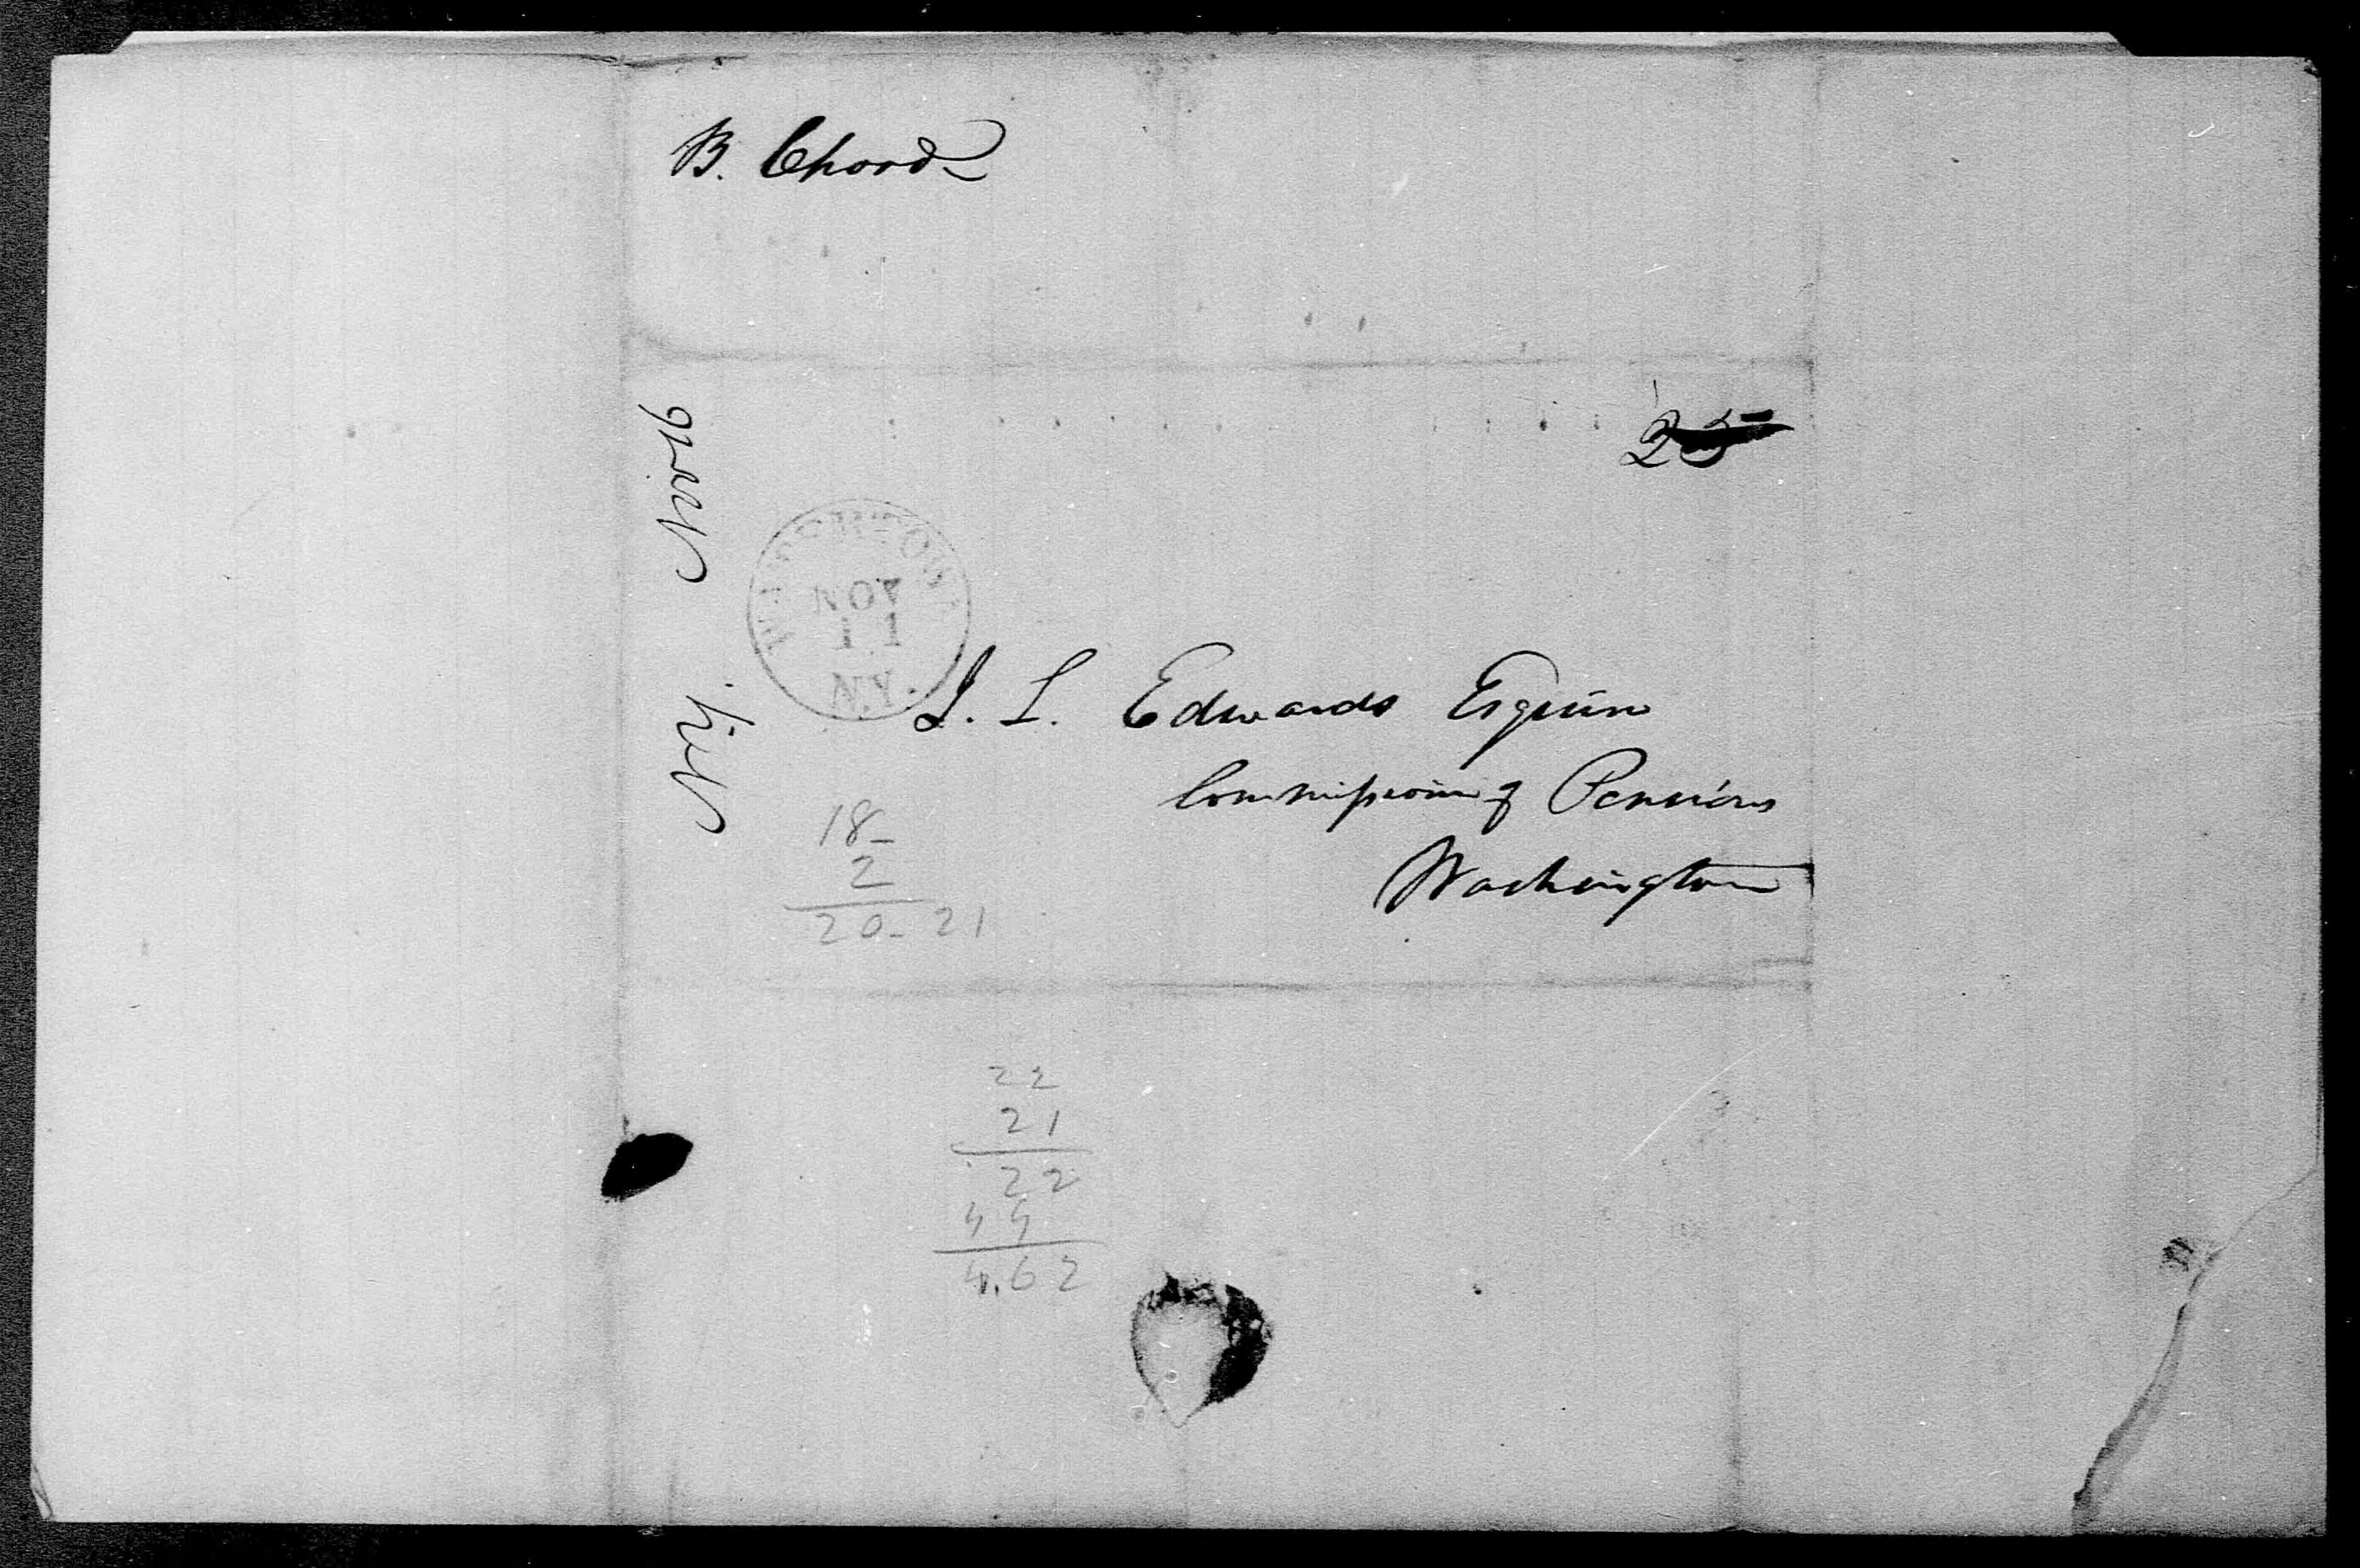B. Chard

[Postage] 25
[Postmark] Watertown NY NOV 11
J.L. Edwards Esquire
Commissioner of Pensions
Washington

18-
2
[=] 20.21

22
21
_______
22
39
_____
4.62

Crosswise: NY Nov 6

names: B Chord, J L Edwards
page: 38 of 47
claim: widow's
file: W. 10,602, Barce Chard, New York.